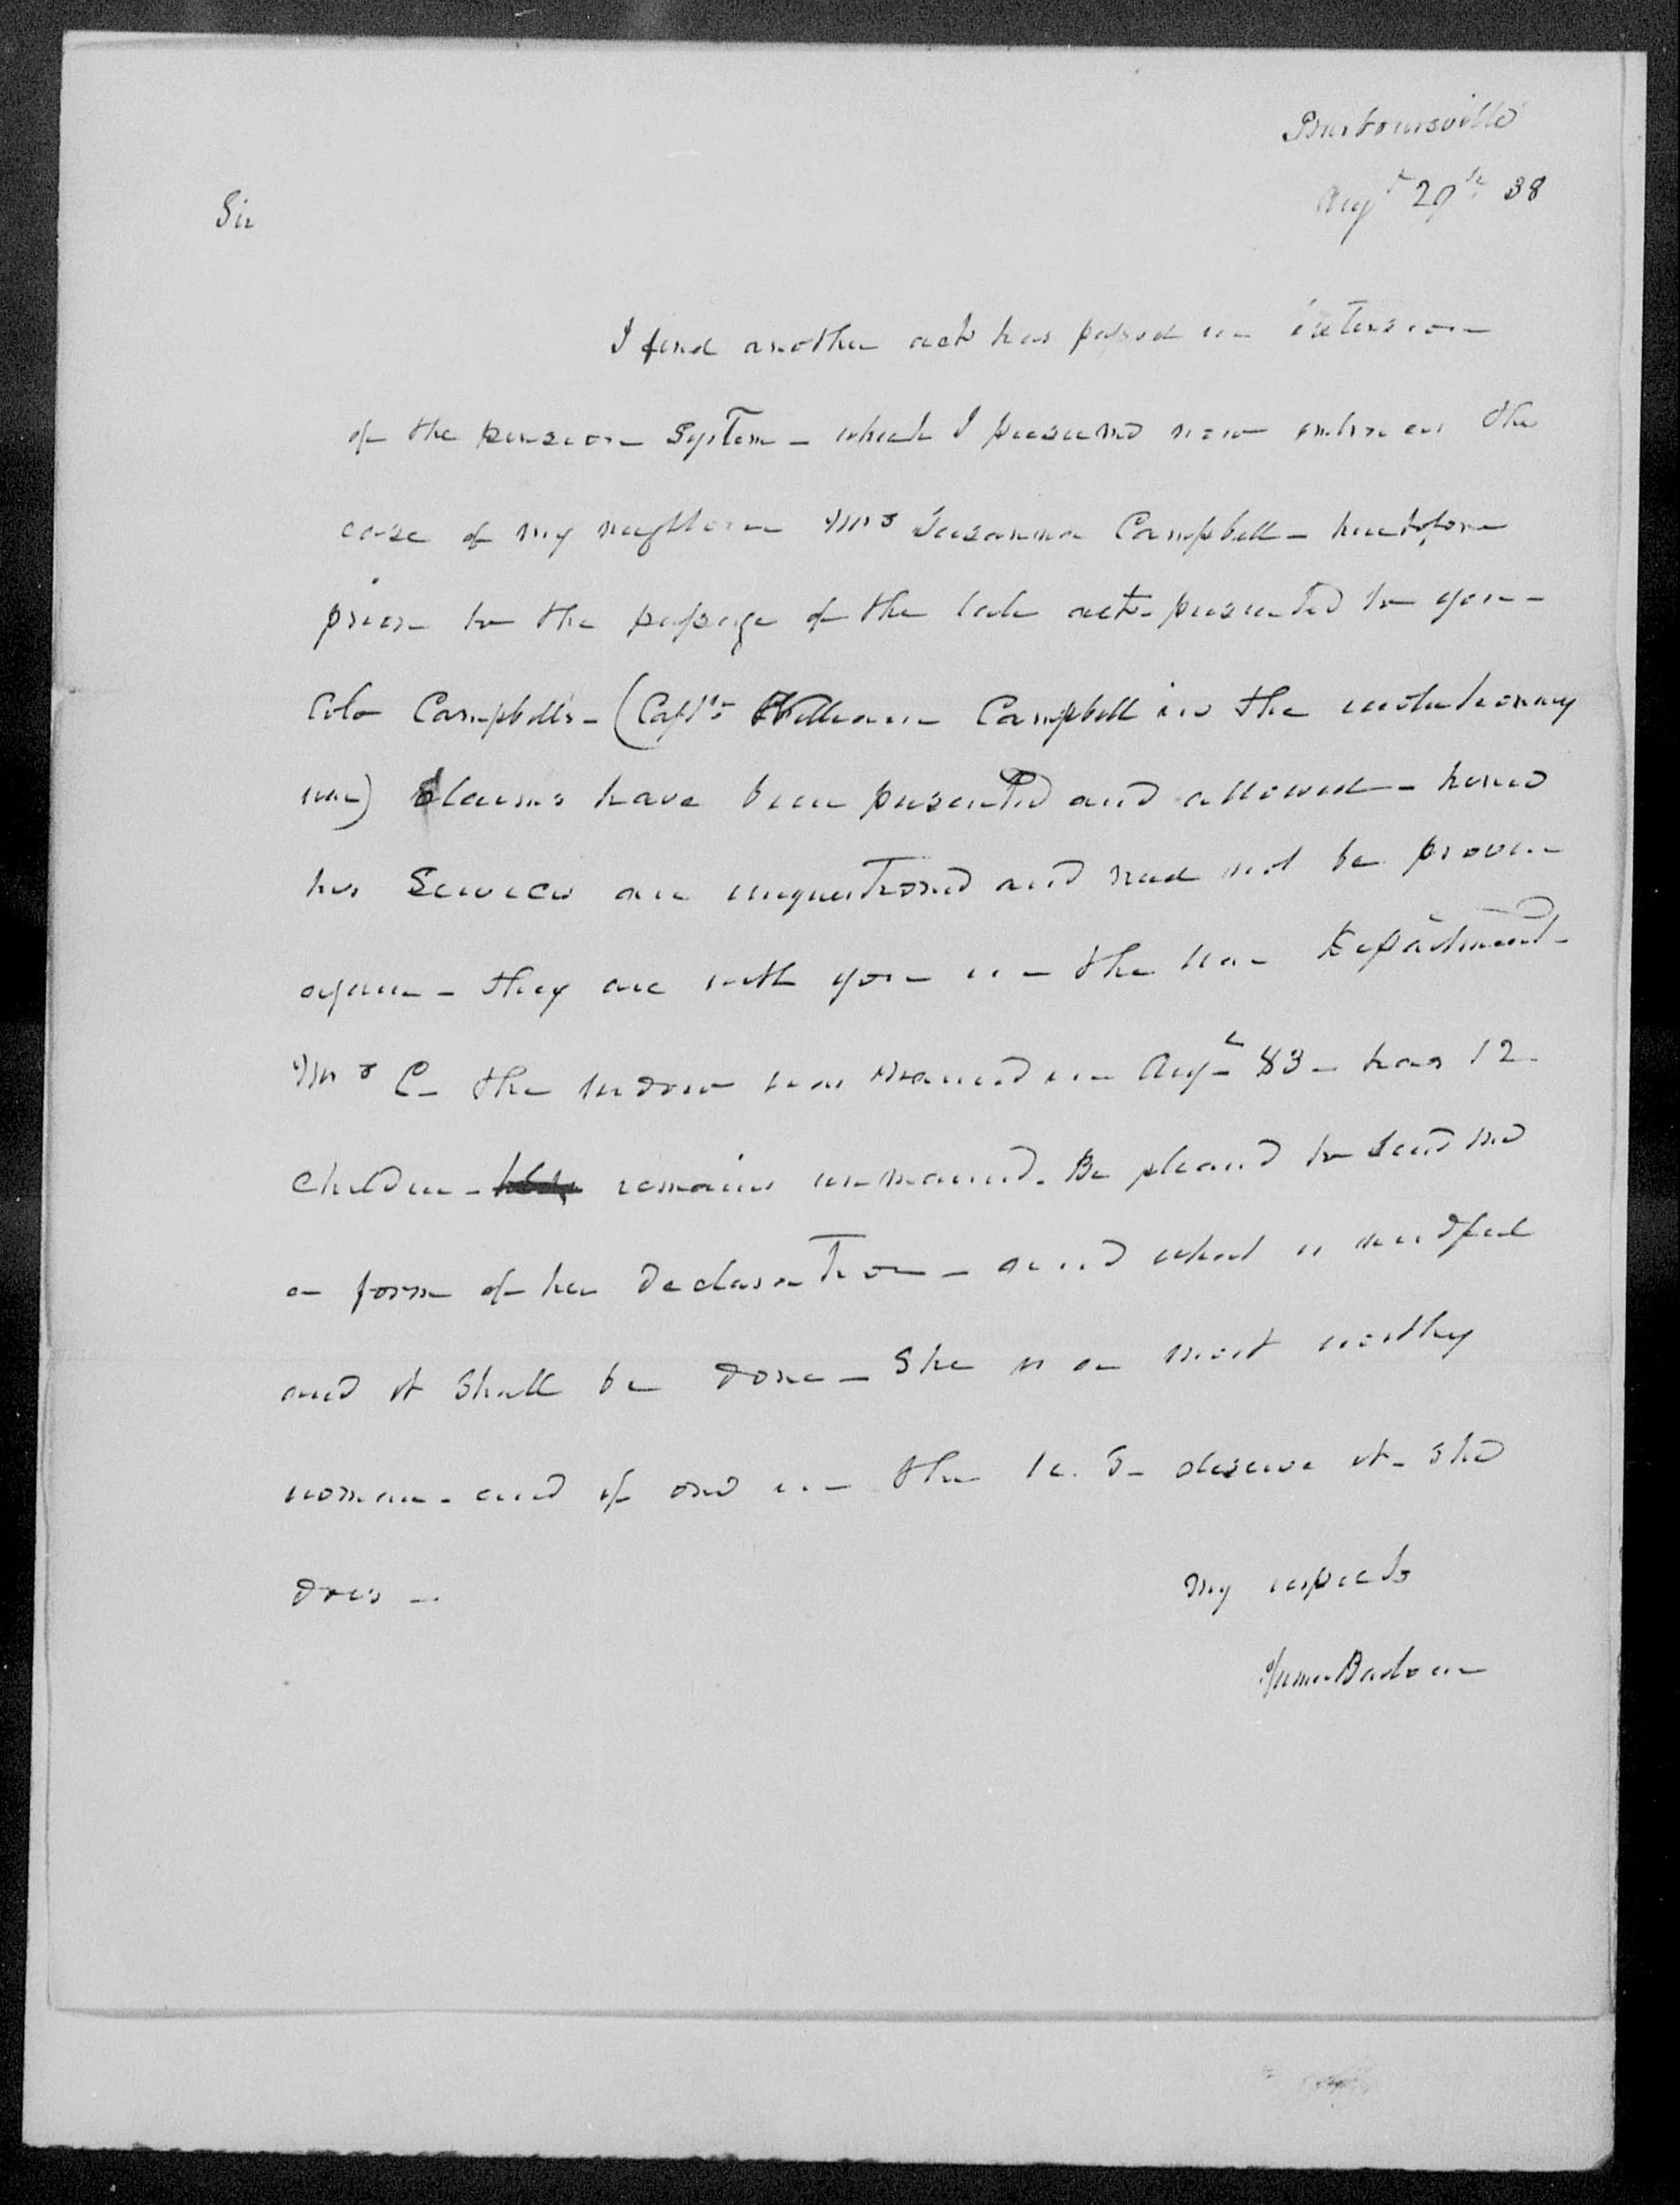[illegible]ville
Aug.t 29th, 38

Sir

I find another act has passed in interior
of the pension system - which I presented new evidence The
case of my neighbor Mrs Susanna Campbell - heretofore
[illegible] to the passage of the [illegible] act - presented to you -
Colo Campbell's - (Capt. William Campbell in the revolutionary
war) [illegible] have been presented and allowed - [illegible]
his services are [illegible] and need not be proven
[illegible] - they are with you in the war Department -
[illegible] C _ the indoor was [illegible] Aug _ 83 has 12
children remain unmarried. Be pleased [illegible]
a form of her Declaration - and what is decided
and it shall be done - She is or most worthy
recommended of and [illegible] [illegible] [illegible] 
over -

My respects
James Barbour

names: William Campbell, James Barbour, Susanna Campbell, C, Campbell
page: 198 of 267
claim: widow's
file: W. 4,149, William Campbell, Va.